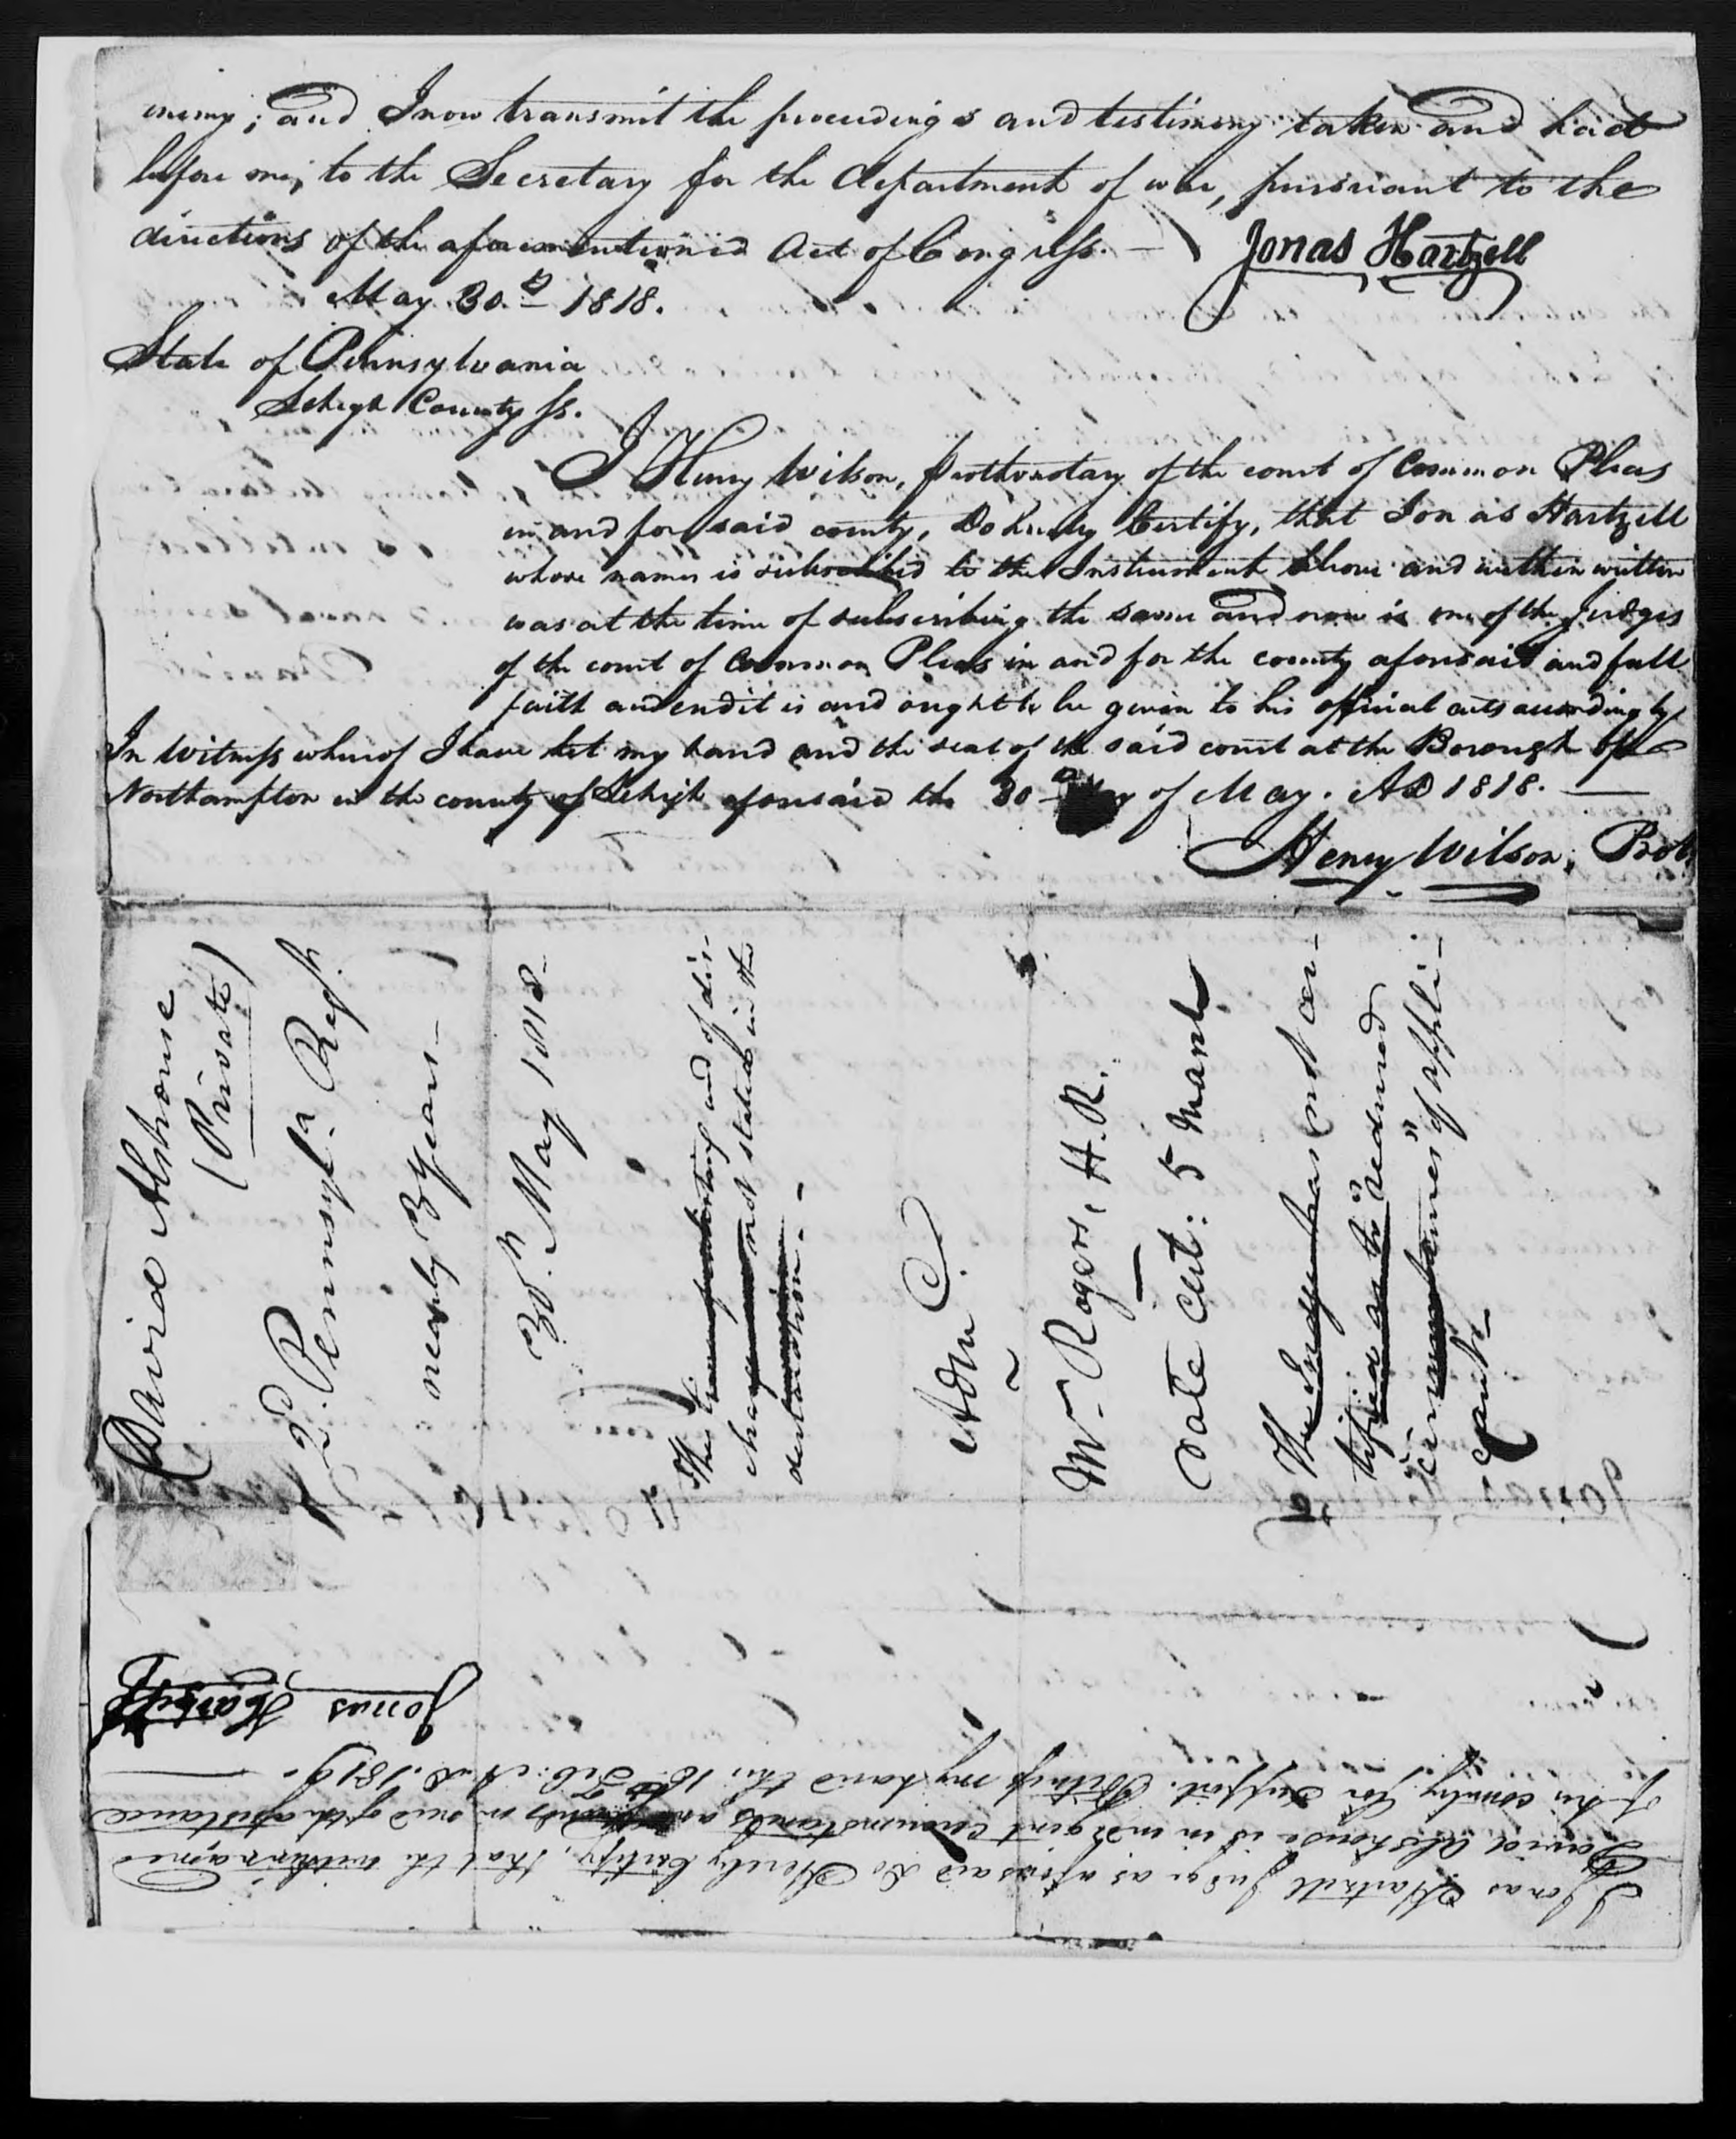many, and I now transmit the proceedings and testimony taken and heard before me to the Secretary for the department of war, pursuant to the directions of the aforementioned Act of Congress.--
May 20th 1818.
Jonas Hartzell [signature]

State of Pennsylvania
Lehigh County Ss.
I, Henry Wilson, prothonotary of the court of Common Pleas in and for said county, do hereby certify that Jonas Hartzell whose name is subscribed to this instrument I have and within written was at the  time of subscribing the same and now is one of the Judges of the court of Common Pleas in and for the county aforesaid and full faith and credit is and ought to be given to his official acts accordingly
In witness whereof I have set my hand and the seal of the said court at the Borough of Northampton in the county of Lehigh aforesaid the 30th day of May, AD 1818.--
Henry Wilson, Prothy [SEAL] [signature]

[written sideways in the middle of the page]
David Alshouse
(Private)
2d Pennsyl [raised a] Regt.
nearly 3 years

30th May 1818
The time of serving and of discharge is not stated in the declaration

Admitted
~
W. Rogers, H.R.
rate cert:  5 months
The [illegible] was not on certificate as in redeemed [illegible] of applicant

[bottom of page - written upside down]
I Jonas Hartzell Judge as subscribed do hereby certify that the within named David Alshouse is [rest of line somewhat illegible] and of the [illegible] of his country for support.  Witness my hand and seal this 16th Feb AD 1819--
Jonas Hartzell [signature]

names: David Alshouse, Henry Wilson, Jonas Hartzell, Rogers, Jonas Hartzell, Henry Wilson, Jonas Hartzell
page: 7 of 17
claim: survivor's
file: S. 39928, David Alshouse, Penn.